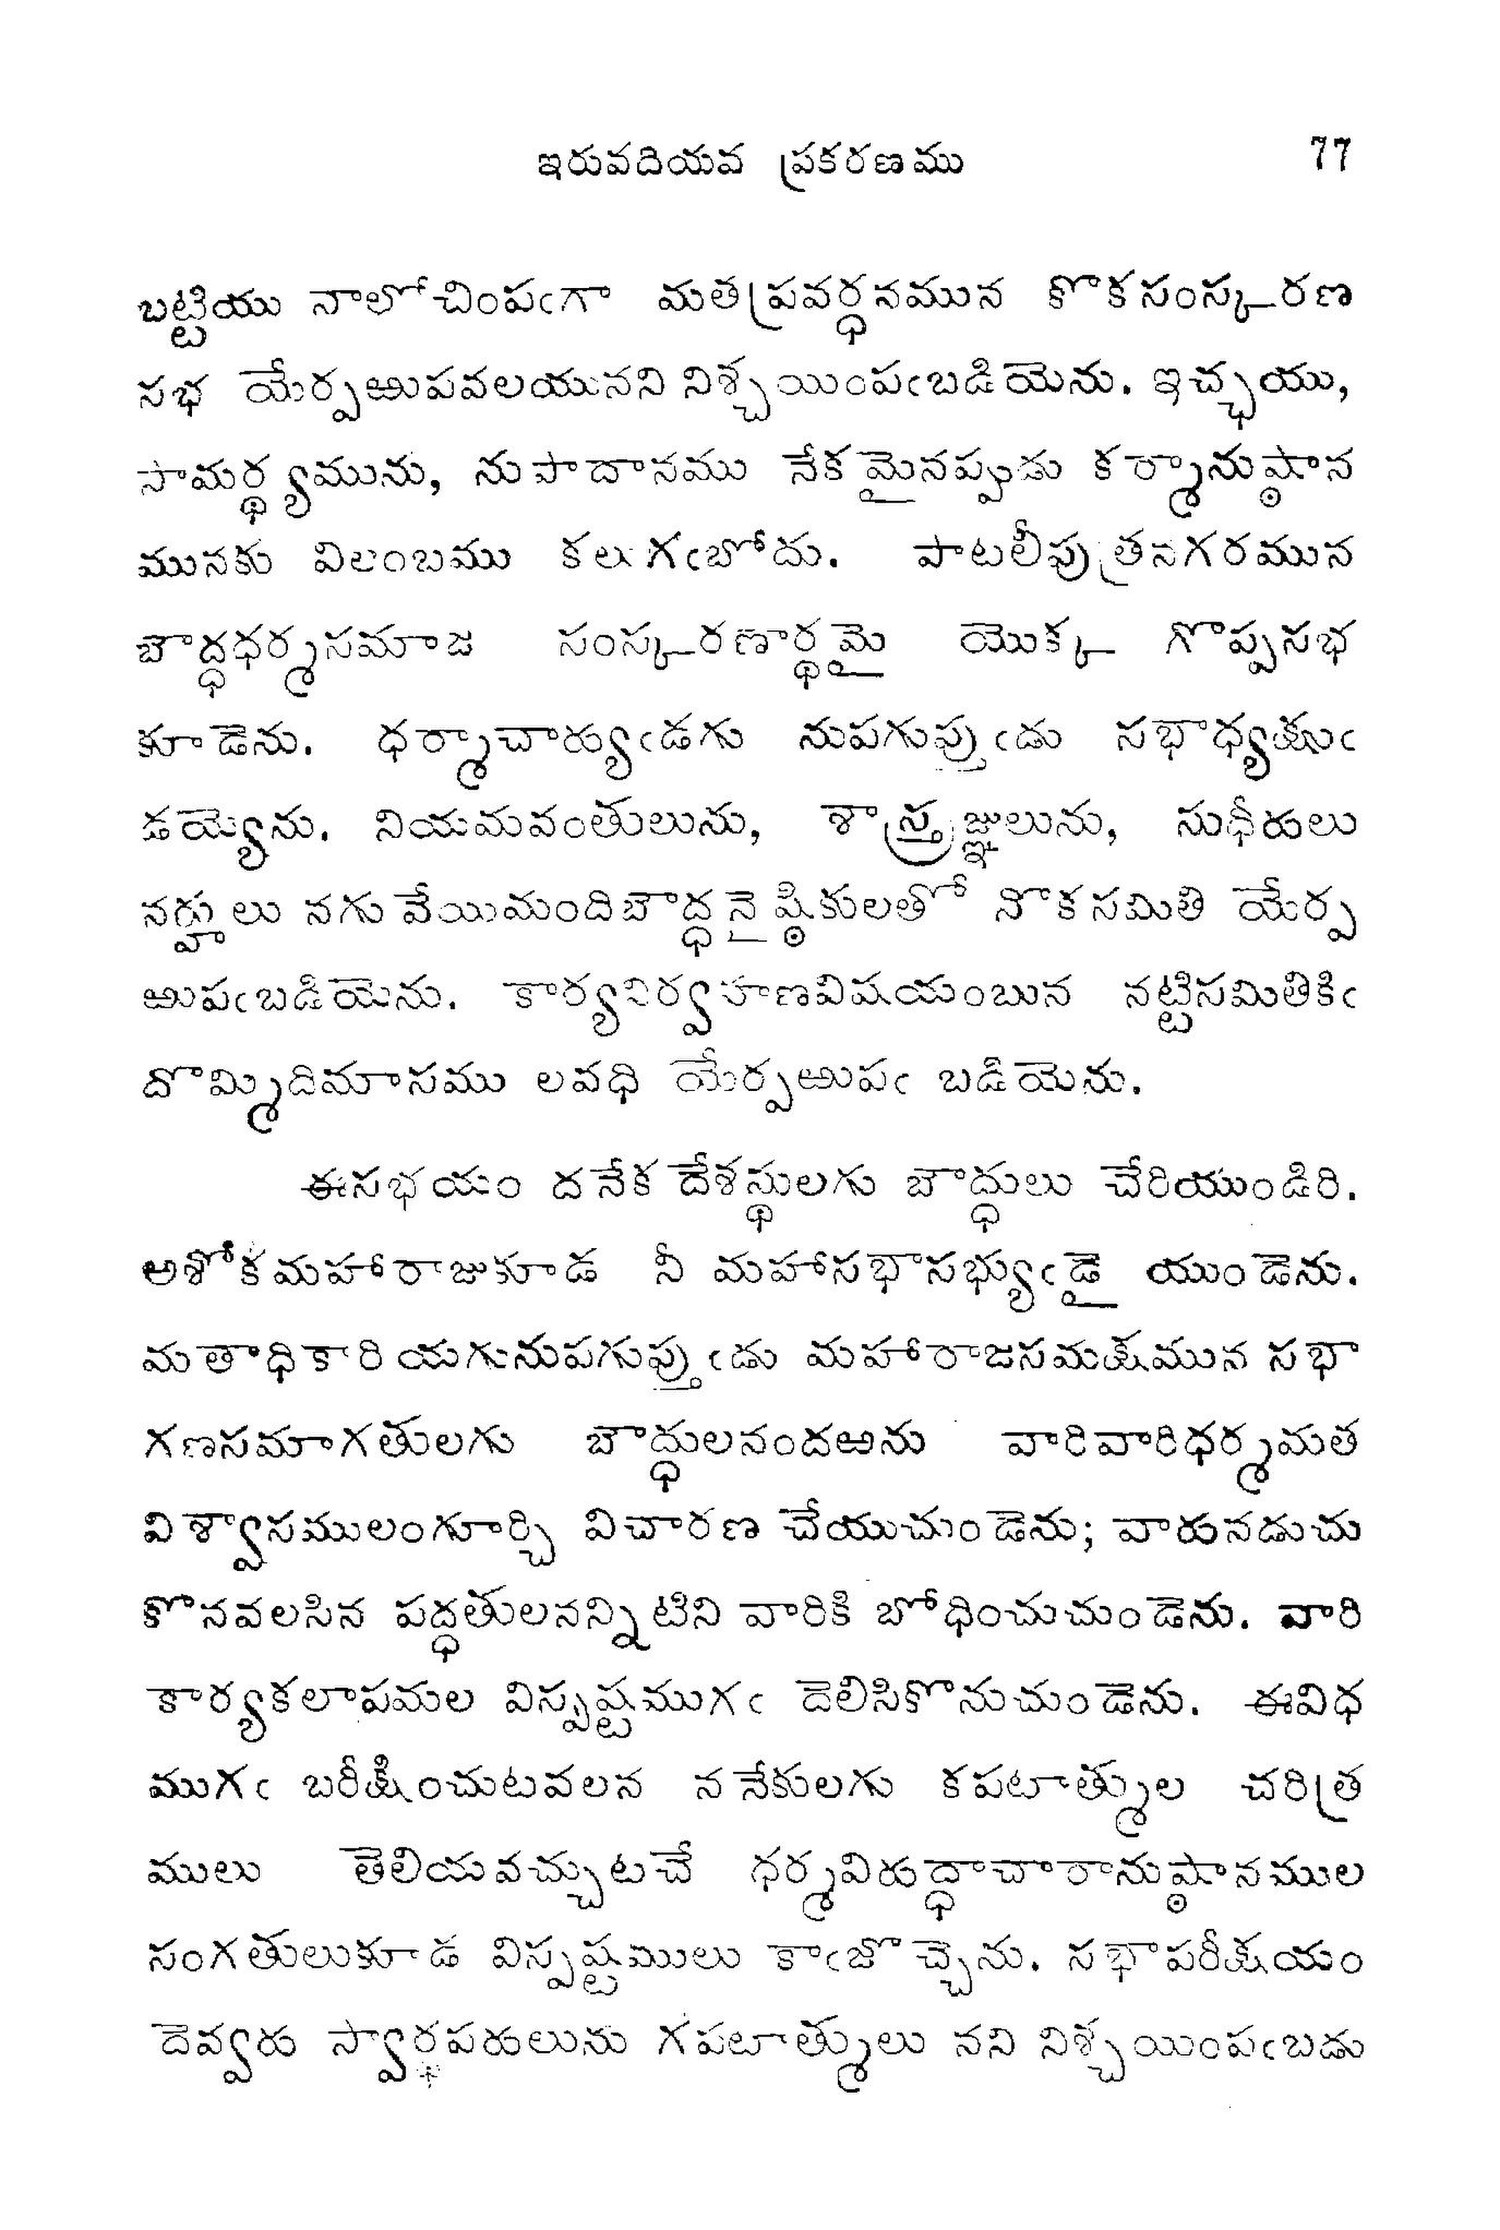బట్టియు నాలో చింపఁగా మత ప్రవర్ధనమున కొకసంస్కరణసభ యేర్పఱుపవలయునని నిశ్చయింపఁబడియెను. ఇచ్ఛయు,సామర్థ్యమును, నుపాదానము నేకమైనప్పుడు కర్మానుష్టాన
మునకు విలంబము కలుగఁబోదు. పాటలీపుత్రసగరమున బౌద్ధధర్మసమాజ సంస్కర ణార్థమై యొక్క గొప్పసభ కూడెను. ధర్మాచార్యుఁడగు నుపగుప్తుఁడు సభాధ్యక్షుఁ డయ్యెను. నియమవంతులును, శాస్త్రజ్ఞులును, సుధీరులు నర్హులు నగు వేయిమంది బౌద్ధ నైష్ఠికులతో
నొక సమితి యేర్పఱుపఁబడి యెను. కార్యనిర్వహణ విషయంబున నట్టిసమితికిఁ దొమ్మిది మాసము లవధి యేర్పఱుపఁ బడి యెను.

ఈసభయం దనేక దేశస్థులగు బౌద్ధులు చేరియుండిరి. అశోక మహారాజుకూడ నీ మహాసభా సభ్యుఁడై యుండెను. మతాధికారియగు నుపగుప్తుఁడు మహారాజసమక్షమున సభా
గణసమాగతులగు బౌద్ధులనందఱను వారి వారిధర్మమత విశ్వాసములం గూర్చి విచారణ చేయుచుండెను; వారునడుచు కొనవలసిన పద్ధతులనన్నిటిని వారికి బోధించుచుండెను. వారి
కార్యకలాపమల విస్పష్టముగఁ దెలిసికొనుచుండెను. ఈవిధముగఁ బరీక్షించుటవలన ననేకులగు కపటాత్ముల చరిత్రములు తెలియవచ్చుటచే ధర్మవిరుద్ధాచారానుష్టానముల సంగతులుకూడ విస్పష్టములు కాఁజొచ్చెను. సభాపరీక్షయం దెవ్వరు స్వార్థపరులును గపటాత్ములు నని నిశ్చయింపఁబడు